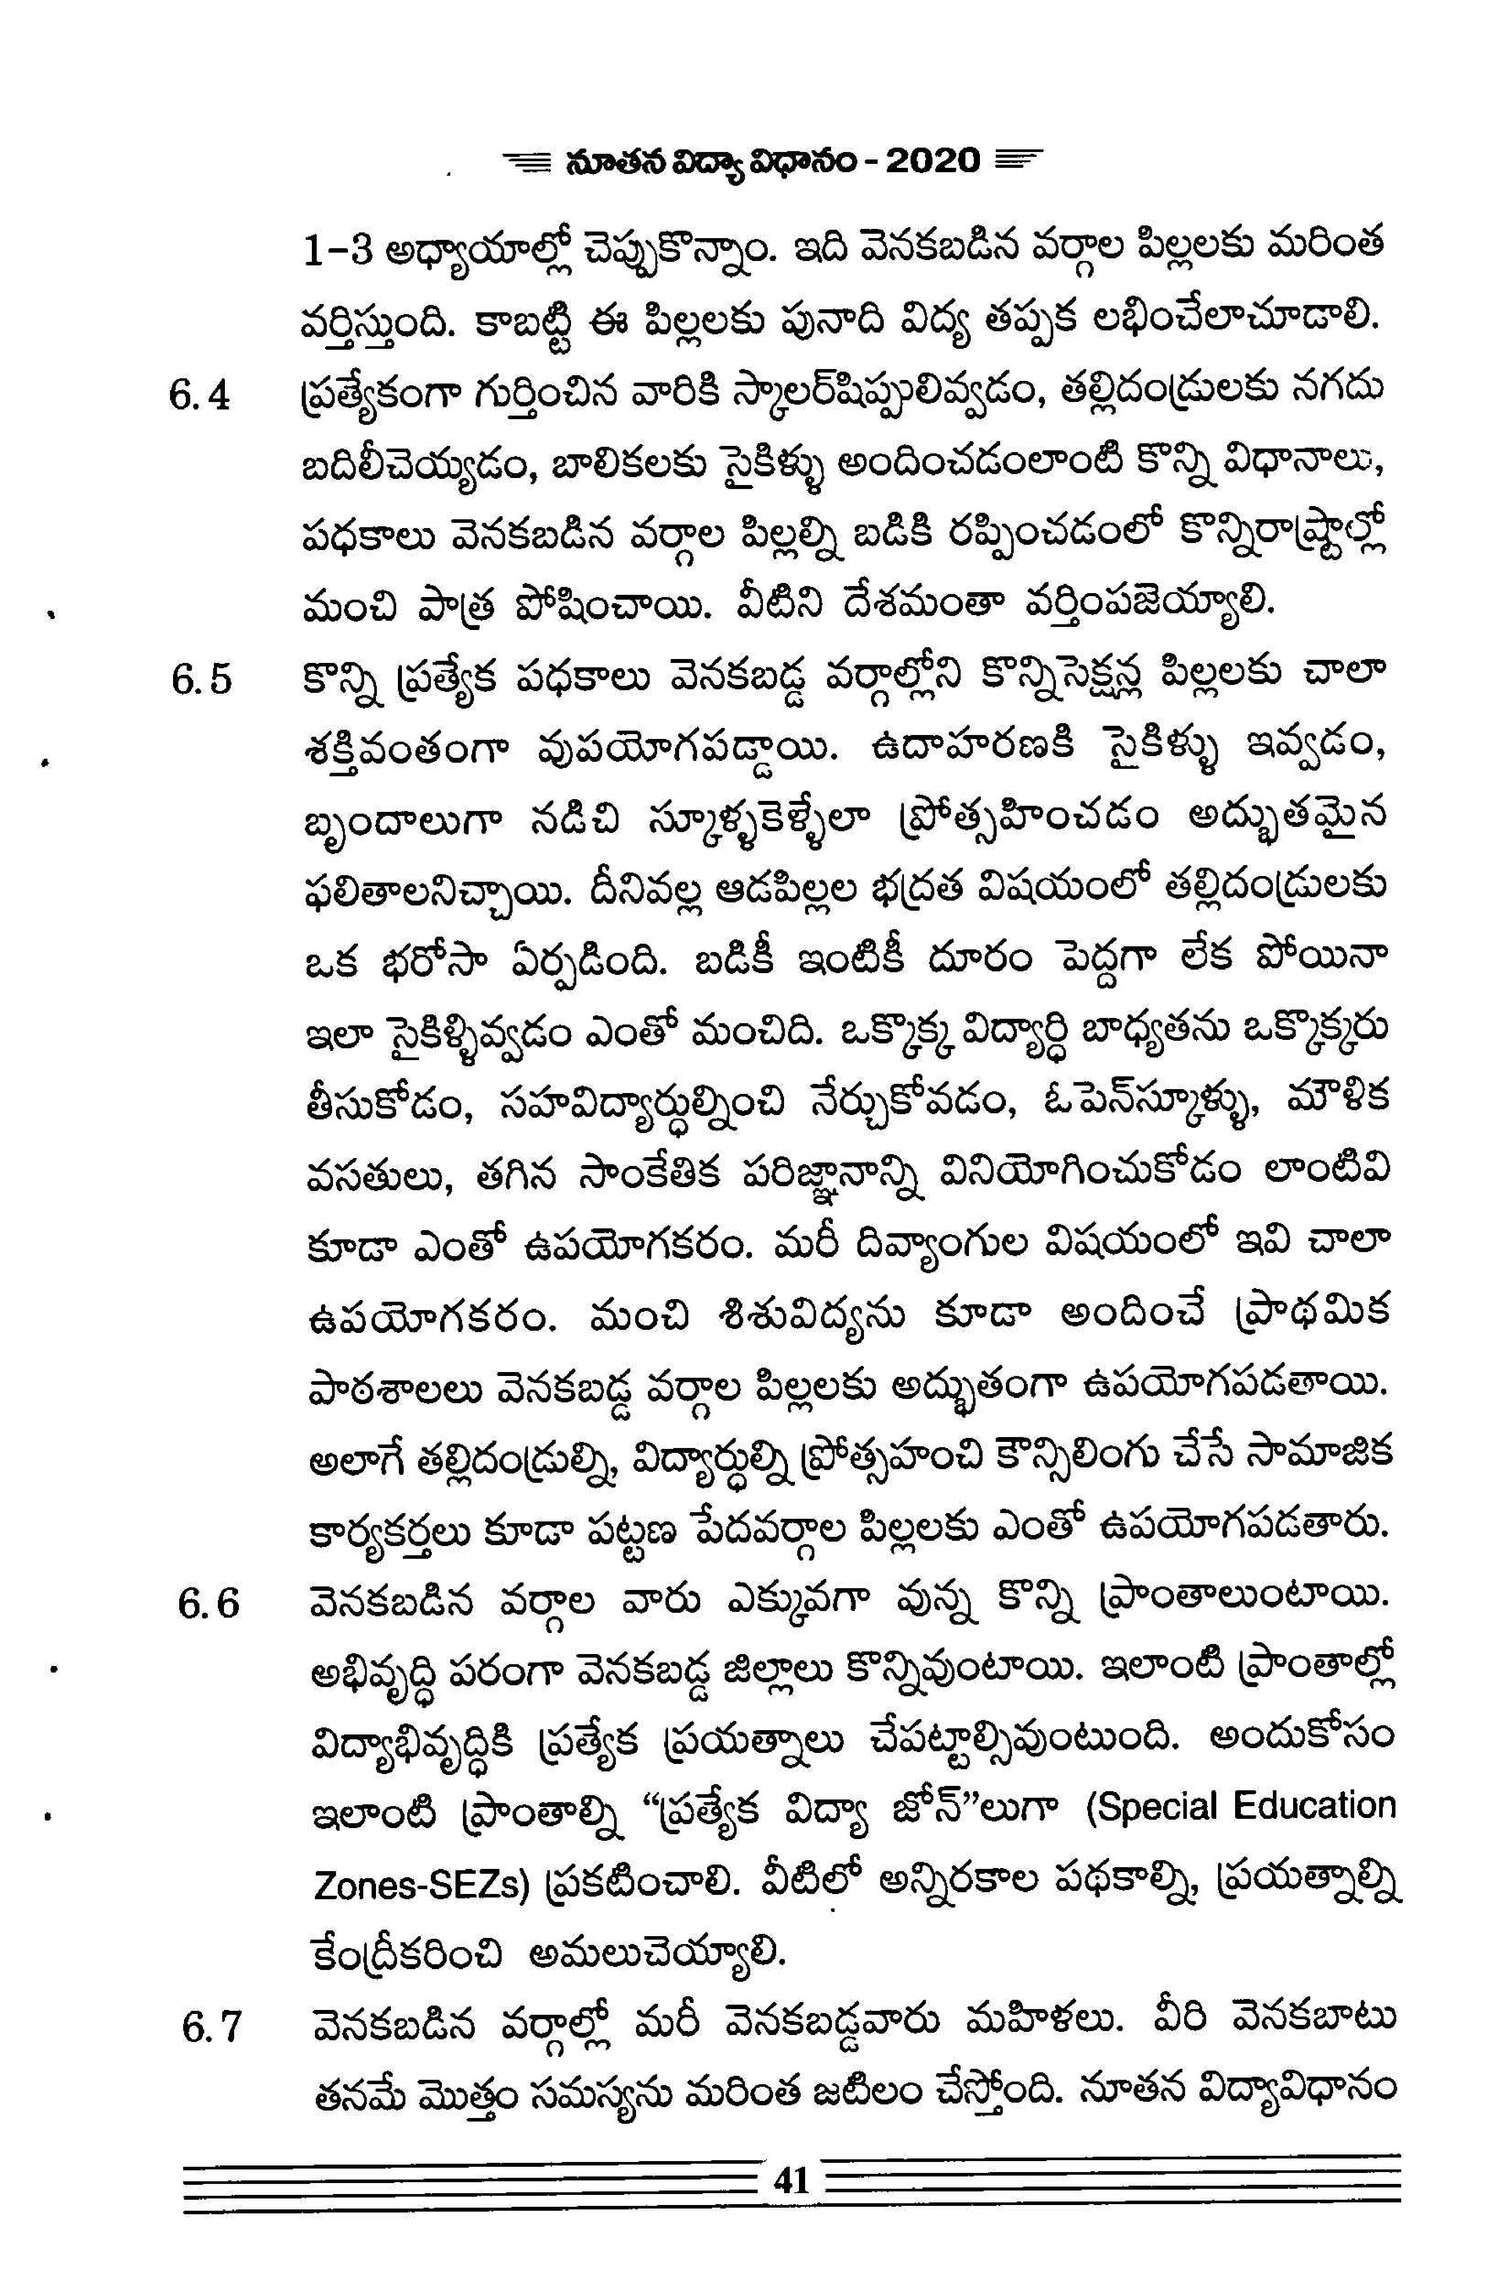1-3 అధ్యాయాల్లో చెప్పుకొన్నాం. ఇది వెనుకబడిన వర్గాల పిల్లలకు 
 మరింత వర్తిస్తుంది. కాబట్టి ఈ పిల్లలకు పునాది విద్య తప్పక 
 లభించేలా చూడాలి.
6.4 ప్రత్యేకంగా గుర్తించిన వారికి 	స్కాలర్‌షిప్‌లు ఇవ్వడం, తల్లిదండ్రులకు 
 నగదు బదిలీచెయ్యడం, బాలికలకు సైకిళ్ళు అందించడంలాంటి 
 కొన్ని విధానాలు,పథకాలు వెనకబడిన వర్గాల పిల్లల్ని బడికి 
 రప్పించడంలో కొన్నిరాష్ట్రాల్లో మంచి పాత్ర పోషించాయి. వీటిని 
 దేశమంతా వర్తింపజెయ్యాలి.
6.5 కొన్ని ప్రత్యేక పధకాలు వెనకబడ్డ వర్గాల్లోని కొన్నిసెక్షన్ల పిల్లలకు 
 చాలాశక్తివంతంగా ఉపయోగపడ్డాయి. ఉదాహరణకి సైకిళ్ళు 
 ఇవ్వడం,బృందాలుగా నడిచి స్కూళ్ళకు వెళ్లేలా ప్రోత్సహించడం 
 అద్భుతమైన ఫలితాలనిచ్చాయి. దీనివల్ల ఆడపిల్లల భద్రత 
 విషయంలో తల్లిదండ్రులకు ఒక భరోసా ఏర్పడింది. బడికీ ఇంటికీ 
 దూరం పెద్దగా లేక పోయినా ఇలా సైకిళ్ళు ఇవ్వడం ఎంతో మంచిది. 
 ఒక్కొక్క విద్యార్ధి బాధ్యతను ఒక్కొక్కరు తీసుకోడం, 
 సహవిద్యార్ధుల్నించి నేర్చుకోవడం, ఓపెన్ స్కూళ్ళు, మౌళిక 
 వసతులు, తగిన సాంకేతిక పరిజ్ఞానాన్ని వినియోగించుకోడం 
 లాంటివి కూడా ఎంతో ఉపయోగకరం. మరీ దివ్యాంగుల 
 విషయంలో ఇవి చాలా ఉపయోగకరం. మంచి శిశువిద్యను కూడా 
 అందించే ప్రాథమిక పాఠశాలలు వెనకబడ్డ వర్గాల పిల్లలకు 
 అద్భుతంగా ఉపయోగపడతాయి.అలాగే తల్లిదండ్రుల్ని, 
 విద్యార్థులను ప్రోత్సహించి కౌన్సిలింగ్ చేసే సామాజిక కార్యకర్తలు 
 కూడా పట్టణ పేదవర్గాల పిల్లలకు ఎంతో ఉపయోగపడతారు.
6.6 వెనకబడిన వర్గాల వారు ఎక్కువగా వున్న కొన్ని ప్రాంతాలుంటాయి.
 అభివృద్ధి పరంగా వెనకబడ్డ జిల్లాలు కొన్ని వుంటాయి. ఇలాంటి 
 ప్రాంతాల్లో విద్యాభివృద్ధికి ప్రత్యేక ప్రయత్నాలు 
 చేపట్టాల్సివుంటుంది. అందుకోసం ఇలాంటి ప్రాంతాల్ని "ప్రత్యేక 
 విద్యా జోన్లుగా (Special Education Zones-SEZs) ప్రకటించాలి. 
 వీటిలో అన్నిరకాల పథకాల్ని, ప్రయత్నాల్ని కేంద్రీకరించి 
 అమలుచెయ్యాలి.
6.7 వెనకబడిన వర్గాల్లో మరీ వెనకబడ్డవారు మహిళలు. వీరి వెనకబాటు
 తనమే మొత్తం సమస్యను మరింత జటిలం చేస్తోంది. నూతన విద్యావిధానం